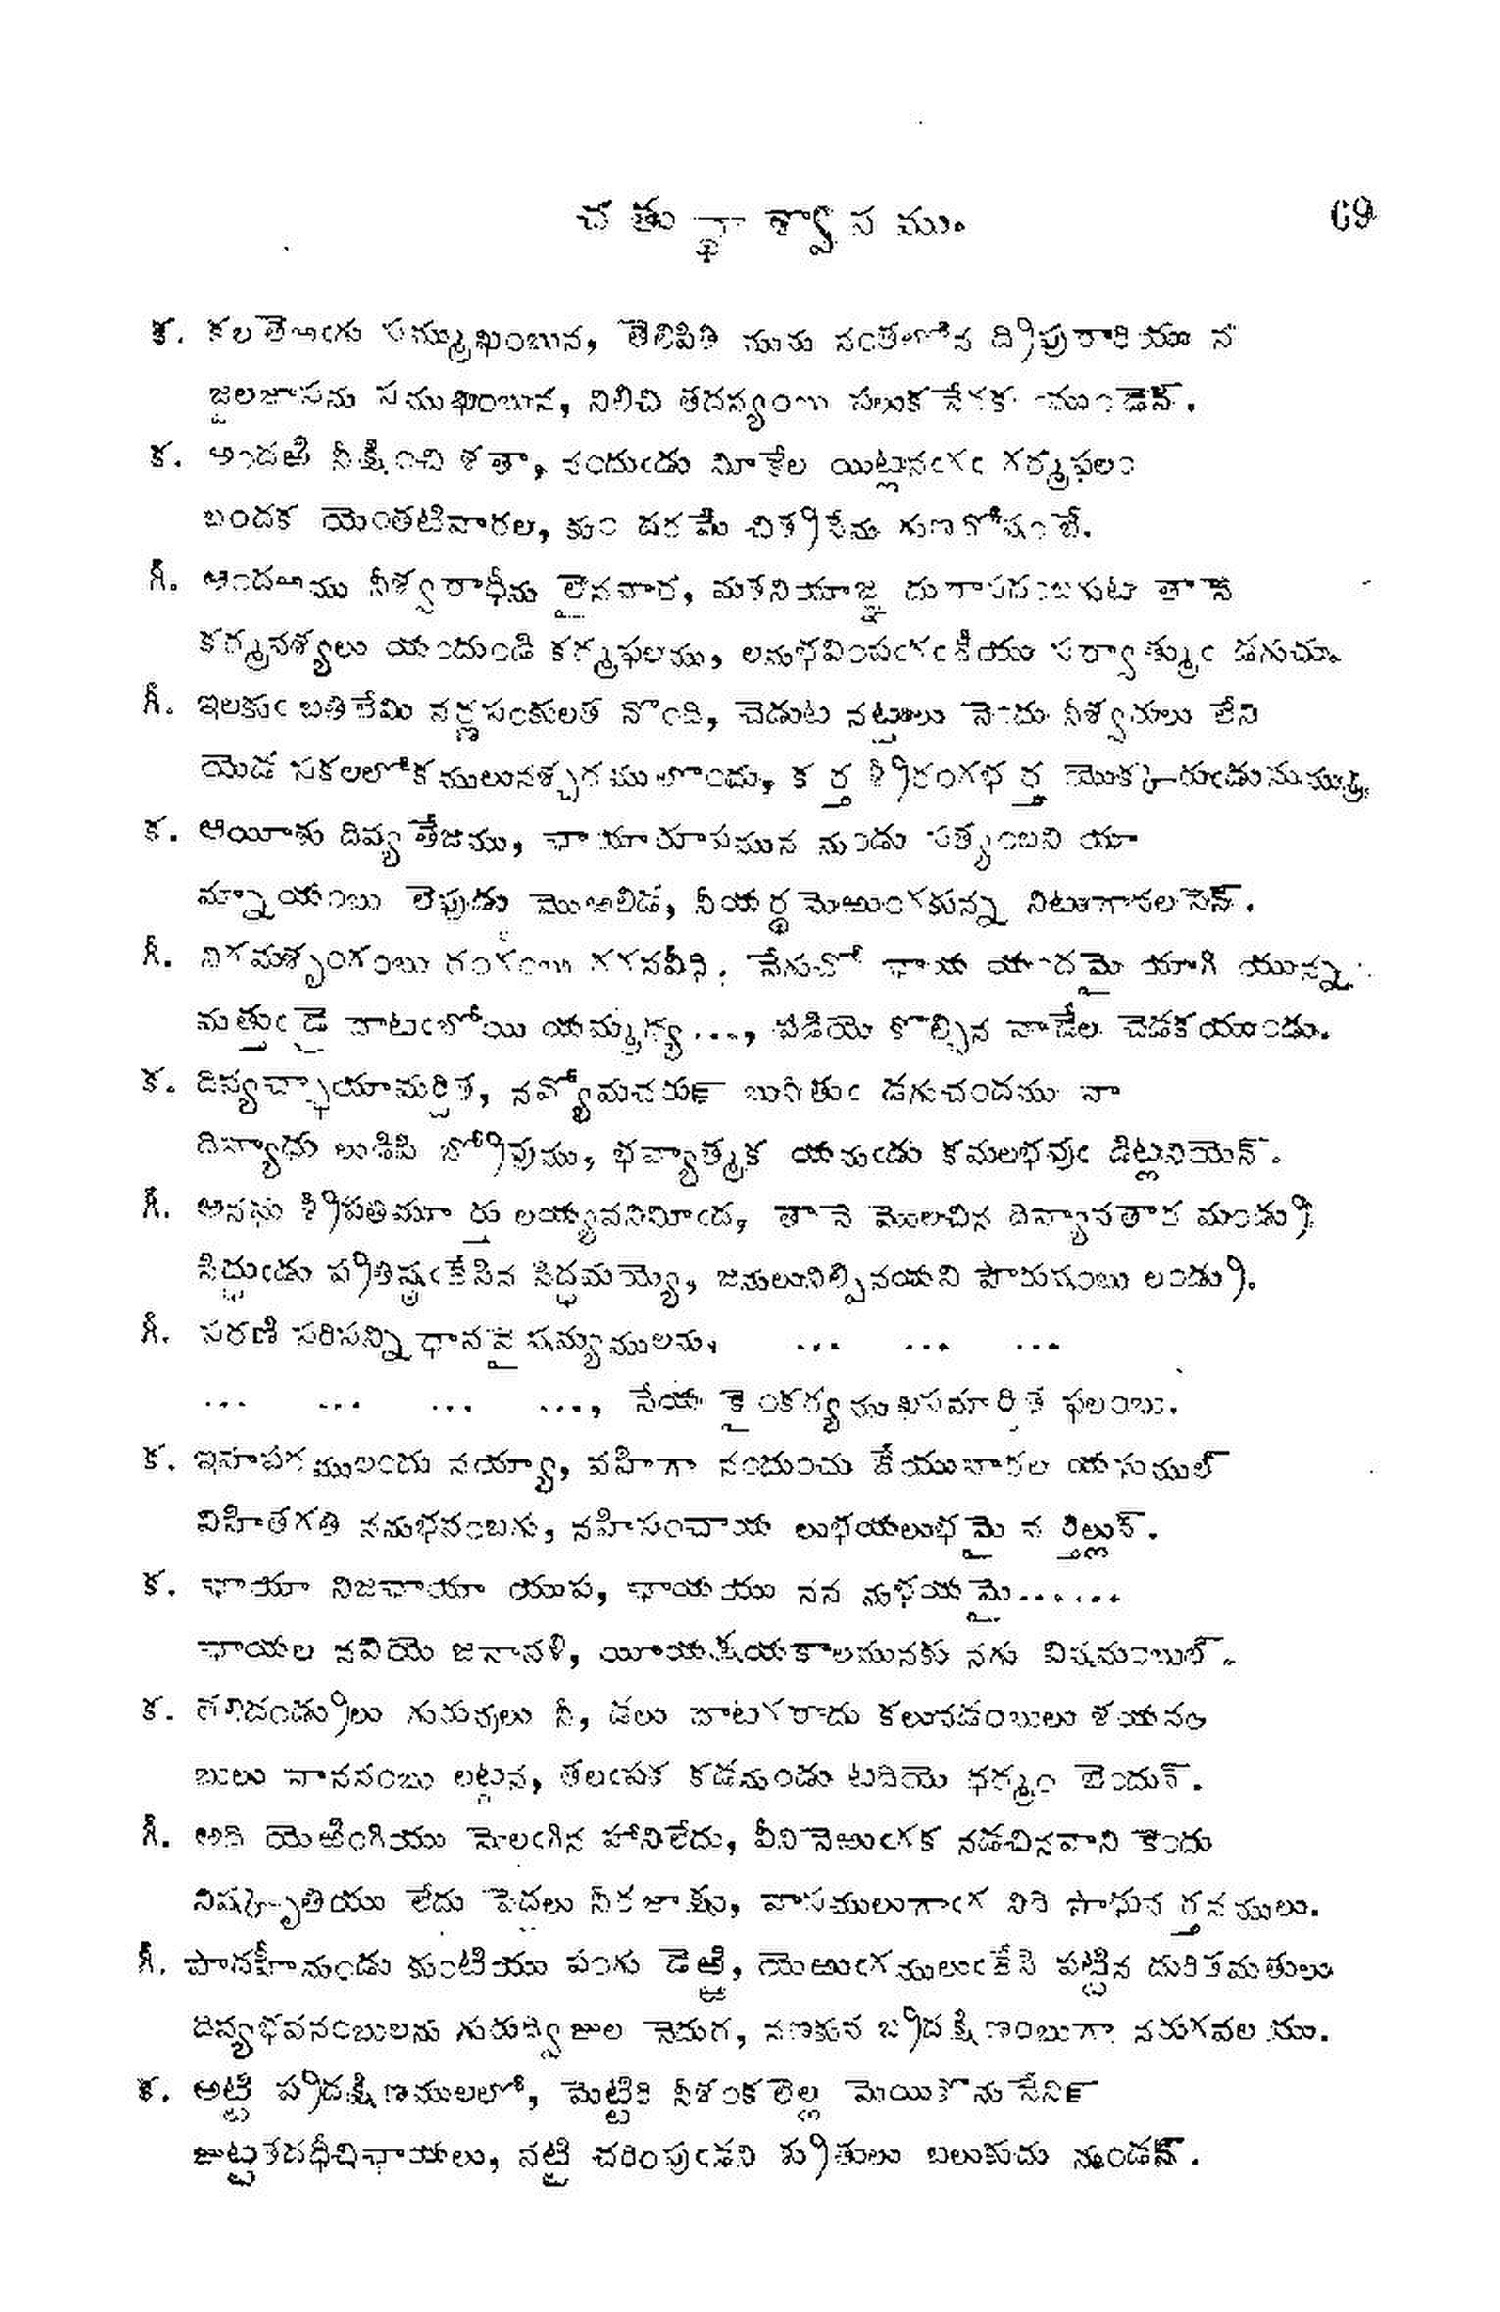క. కలతెఱఁగు సమ్ముఖంబున, తెలిపితి మును నంతలోన ద్రిపురారియు న
 జ్జలజాసను సముఖంబున, నిలిచి తదన్యంబు పలుకనేరక యుండెన్.
క. అందఱి నీక్షించి శతా, నందుఁడు మీకేల యిట్లనఁగఁ గర్మఫలం
 బందక యెంతటివారల, కుం దరమే చిత్రసేను గుణదోషంబే.
గీ. అందఱము నీశ్వరాధీను లైనవార, మతనియాజ్ఞ దురాపదంబగుట తానె
 కర్మవశ్యలు యందుండి కర్మఫలము, లనుభవింపఁగఁజేయు సర్యాత్ముఁ డగుట.
గీ. ఇలకుఁ బతిలేమి వర్ణసంకులత నొంది, చెడుట నట్టులు నెందు నీశ్వరులు లేని
 యెడ సకలలోకములు నశ్చరము లొందు, కర్త శ్రీరంగభర్త యొక్కరుఁడును సుమ్ము.
క. ఆయీశు దివ్యతేజము, చాయారూపమున నుండు సత్యంబని యా
 మ్నాయంబు లెపుడు మొఱలిడ , నీయర్థ మొఱుంగకున్న నిటుగావలసెన్.
గీ. నిగమశృంగంబు రంగంబు గగనవీథి, నేగుచో ఛాయ యందమై యాగి యున్న,
 మత్తుఁడై దాటఁబోయి యమ్మధ్య ..., పడియె కొల్చిన వాడేల చెడకయుండు.
క. దివ్యచ్ఛాయామర్దిత, నవ్యోమచరున్ బునీతుఁ డగుచందము నా
 దివ్యాధు లుడిపి బ్రోవుము, భవ్యాత్మక యనుఁడు కమలభవుఁ డిట్లనియెన్.
గీ. అనఘ శ్రీపతిమూర్తు లయ్యవనిమీఁద, తానె మొలచిన దివ్యావతార మండ్రు
 సిద్ధుఁడు ప్రతిష్ఠఁజేసిన సిద్ధమయ్యె , జనులునిల్పినయవి పౌరుషంబు లండ్రు.
గీ. సరణి సరిసన్నిధానవైషమ్యములను, ............................
 .............................., సేయ కైంకర్యముఖసమార్పితఫలంబు.
క. ఇహపరములందు నయ్యా, వహిగా నందుంచు జేయువారల యఘముల్
 విహితగతి ననుభవంబగు, నహిసంచాయ లుభయలుభమై వరిల్లున్.
క. ఛాయా నిజఛాయా యుప, ఛాయయు నన నుభయమై.......
 ఛాయల నవియె జనావళి, యీయక్షయకాలమునకు నగు విషమంబుల్.
క. తలిదండ్రులు గురువులు నీ, డలు దాటగరాదు కలువడంబులు శయనం
 బులు నాననంబు లట్లన, తలఁపక కడనుండు టదియె ధర్మం బెందున్.
గీ. అది యెఱింగియు మెలఁగిన హానిలేదు, వీని నెఱుఁగక నడచినవాని కెందు
 నిష్కృతియు లేదు పెద్దలు నీరజాక్షు, వాసములుగాఁగ నిది సాధువర్తనములు.
గీ. పాదహీనుఁడు కుంటియు పంగు డెఱ్ఱి, యెఱుఁగములుఁ జేసి పట్టిన దురితమతులు
 దివ్యభవనంబులను గురుద్విజుల నెదుర, నణకువ బ్రదక్షిణంబుగా నరుగవలయు.
క. అట్టి ప్రదక్షిణములలో, మెట్టిరి నీశంకలెల్ల మెయికొనునేనిన్
 జుట్టతదధీచిఛాయలు, నట్టి చరింపుఁడని మతులు బలుకుచు నుండన్.